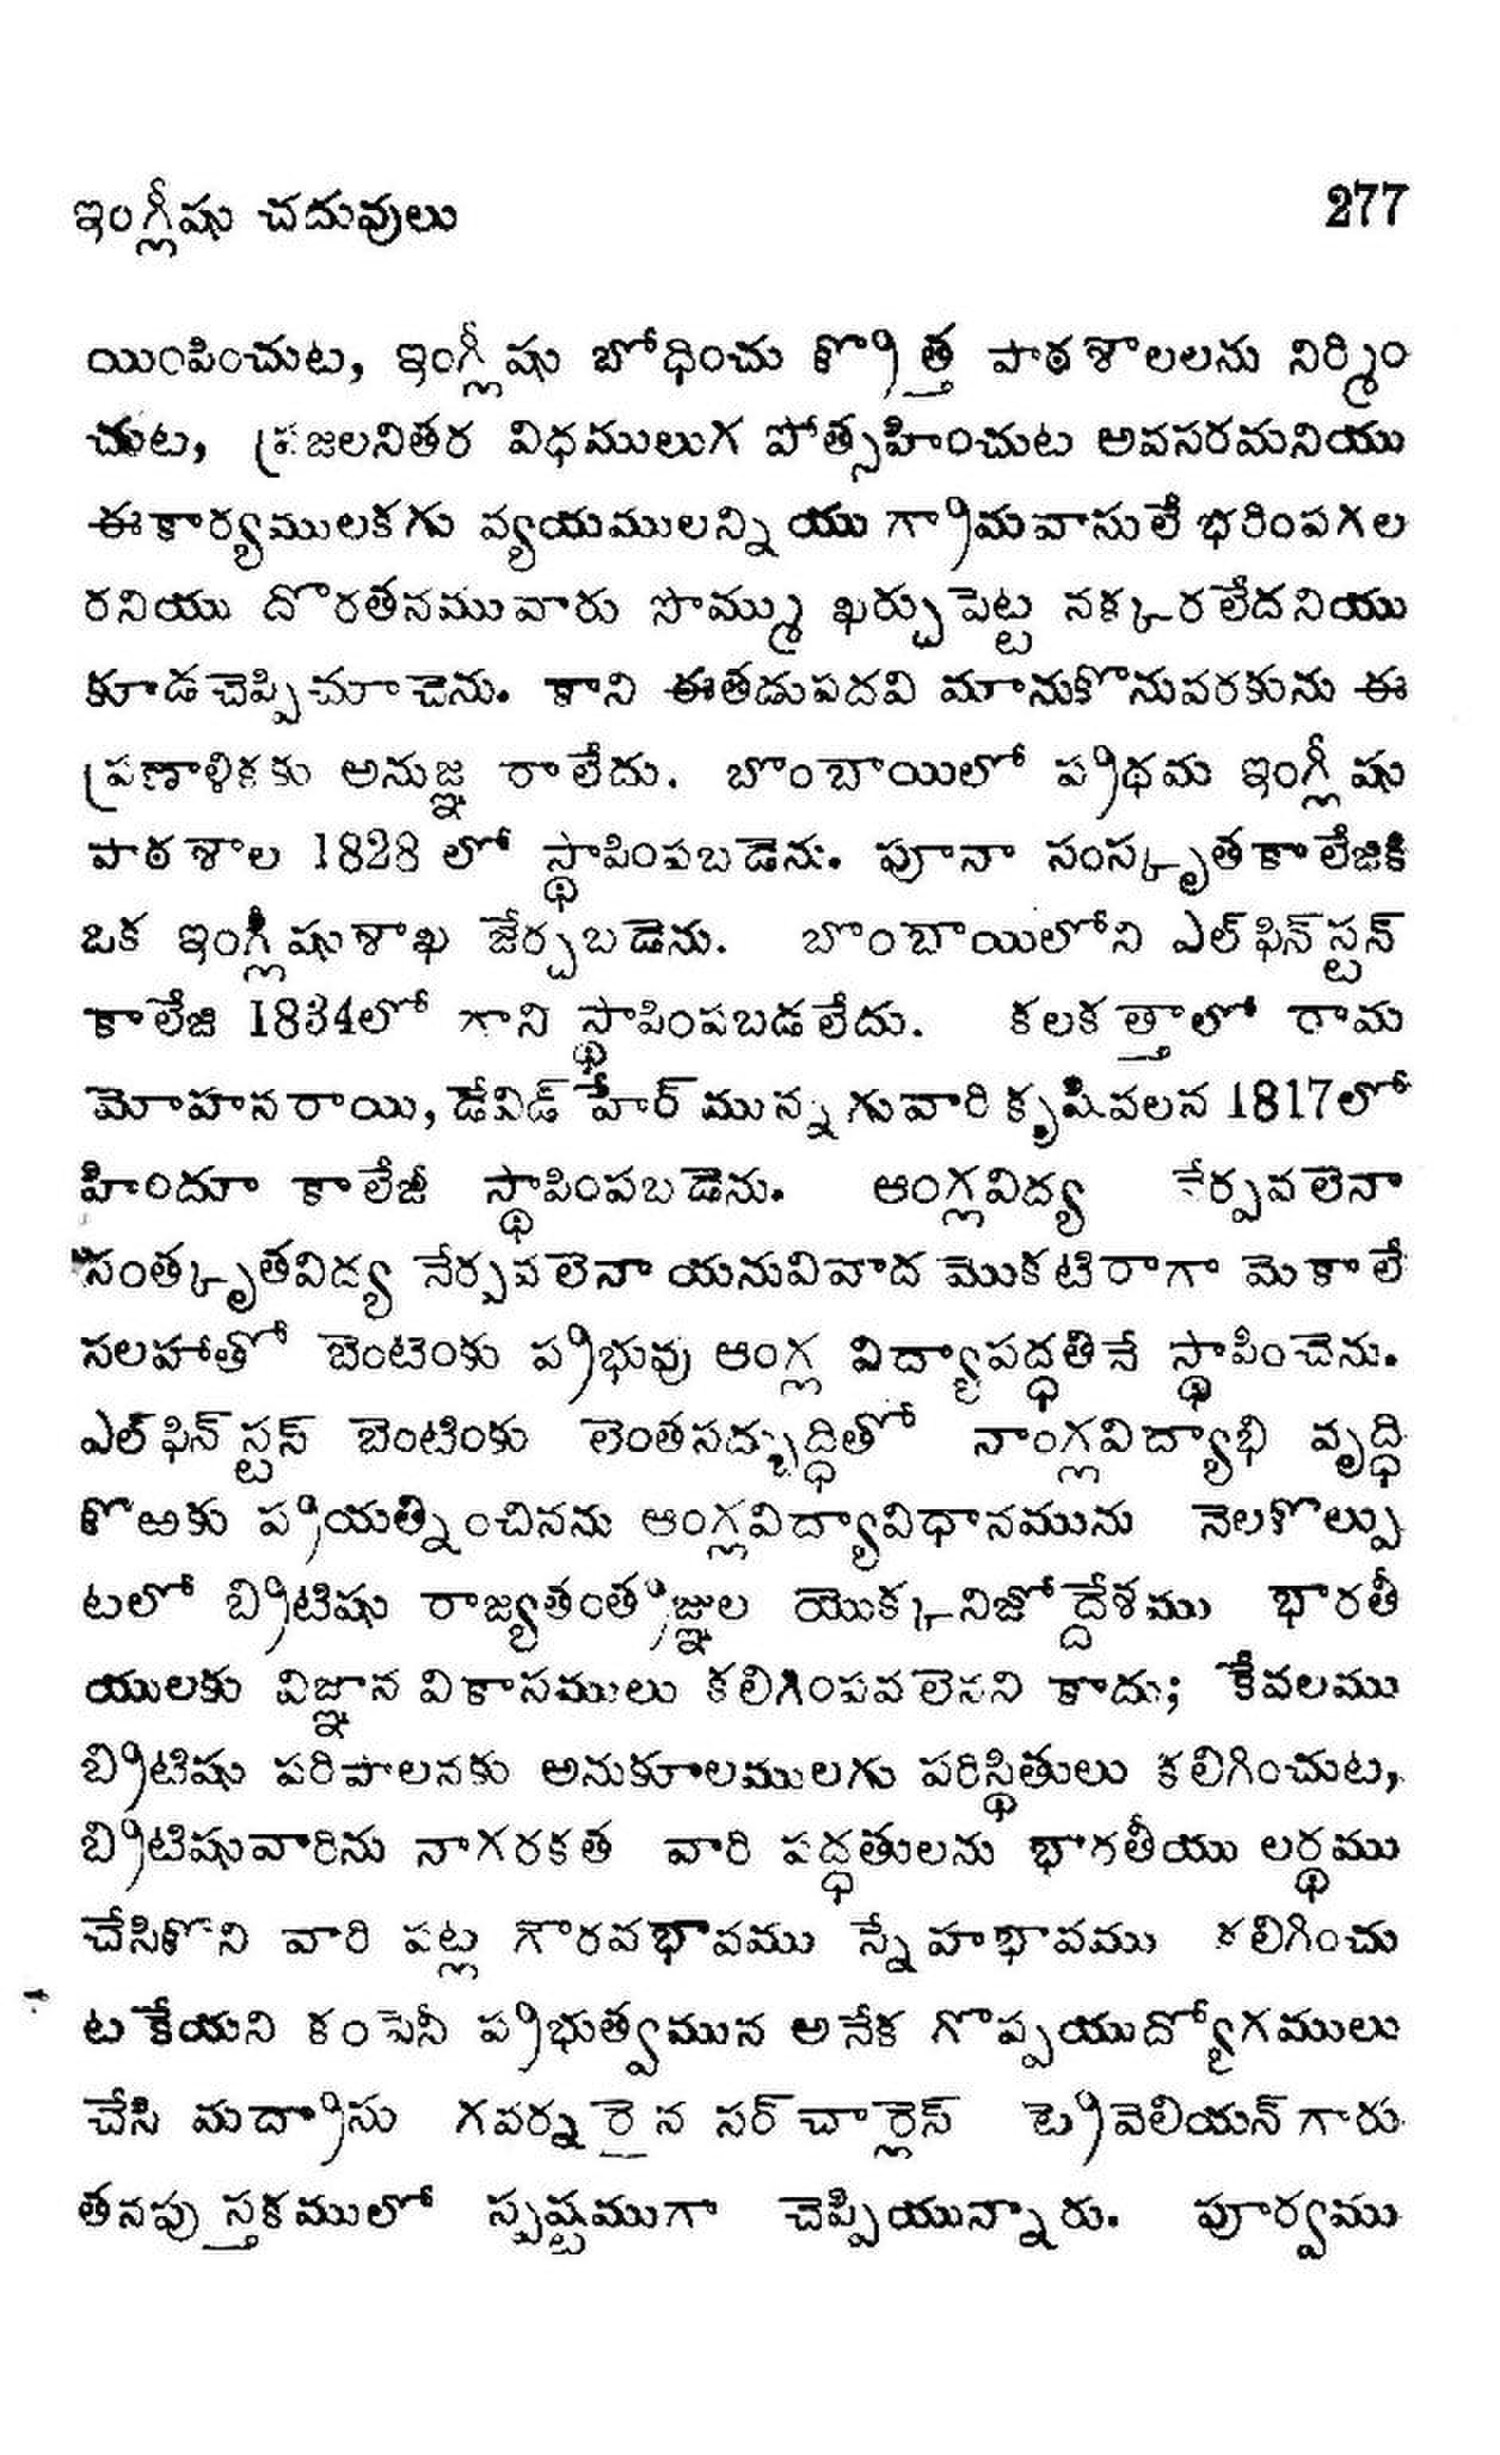యింపించుట, ఇంగ్లీషు బోధించు క్రొత్త పాఠశాలలను నిర్మించుట, ప్రజలనితర విధములుగ పోత్సహించుట అవసరమనియు ఈ కార్యములకగు వ్యయములన్నియు గ్రామవాసులే భరింపగలరనియు దొరతనమువారు సొమ్ము ఖర్చుపెట్ట నక్కరలేదనియు కూడ చెప్పిచూచెను. కాని ఈతడుపదవి మానుకొనువరకును ఈ ప్రణాళికకు అనుజ్ఞ రాలేదు. బొంబాయిలో ప్రథమ ఇంగ్లీషు పాఠశాల 1828 లో స్థాపింపబడెను. పూనా సంస్కృతకాలేజికి ఒక ఇంగ్లీషు శాఖ జేర్చబడెను. బొంబాయిలోని ఎల్ ఫిన్ స్టన్ కాలేజి 1834లో గాని స్థాపింపబడలేదు. కలకత్తాలో రామమోహనరాయి, డేవిడ్ హేర్ మున్నగువారి కృషివలన 1817లో హిందూ కాలేజీ స్థాపింపబడెను. ఆంగ్లవిద్య నేర్పవలెనా సంస్కృతవిద్య నేర్చవలెనా యనువివాద మొకటిరాగా మెకాలే సలహాతో బెంటింకు ప్రభువు ఆంగ్ల విద్యాపద్ధతినే స్థాపించెను. ఎల్ ఫిన్ స్టస్ బెంటింకు లెంతసద్బుద్ధితో నాంగ్లవిద్యాభి వృద్ధి కొఱకు ప్రయత్నించినను ఆంగ్లవిద్యావిధానమును నెలకొల్పుటలో బ్రిటిషు రాజ్యతంత్రజ్ఞుల యొక్క నిజోద్దేశము భారతీయులకు విజ్ఞాన వికాసములు కలిగింపవలెనని కాదు; కేవలము బ్రిటిషు పరిపాలనకు అనుకూలములగు పరిస్థితులు కలిగించుట, బ్రిటిషువారిను నాగరకత వారి పద్ధతులను భారతీయు లర్ధము చేసికొని వారి పట్ల గౌరవ భావము స్నేహభావము కలిగించుట కేయని కంపెనీ ప్రభుత్వమున అనేక గొప్ప యుద్యోగములు చేసి మద్రాసు గవర్నరైన సర్ చార్లెస్ ట్రెవిలియన్ గారు తనపుస్తకములో స్పష్టముగా చెప్పియున్నారు. పూర్వము